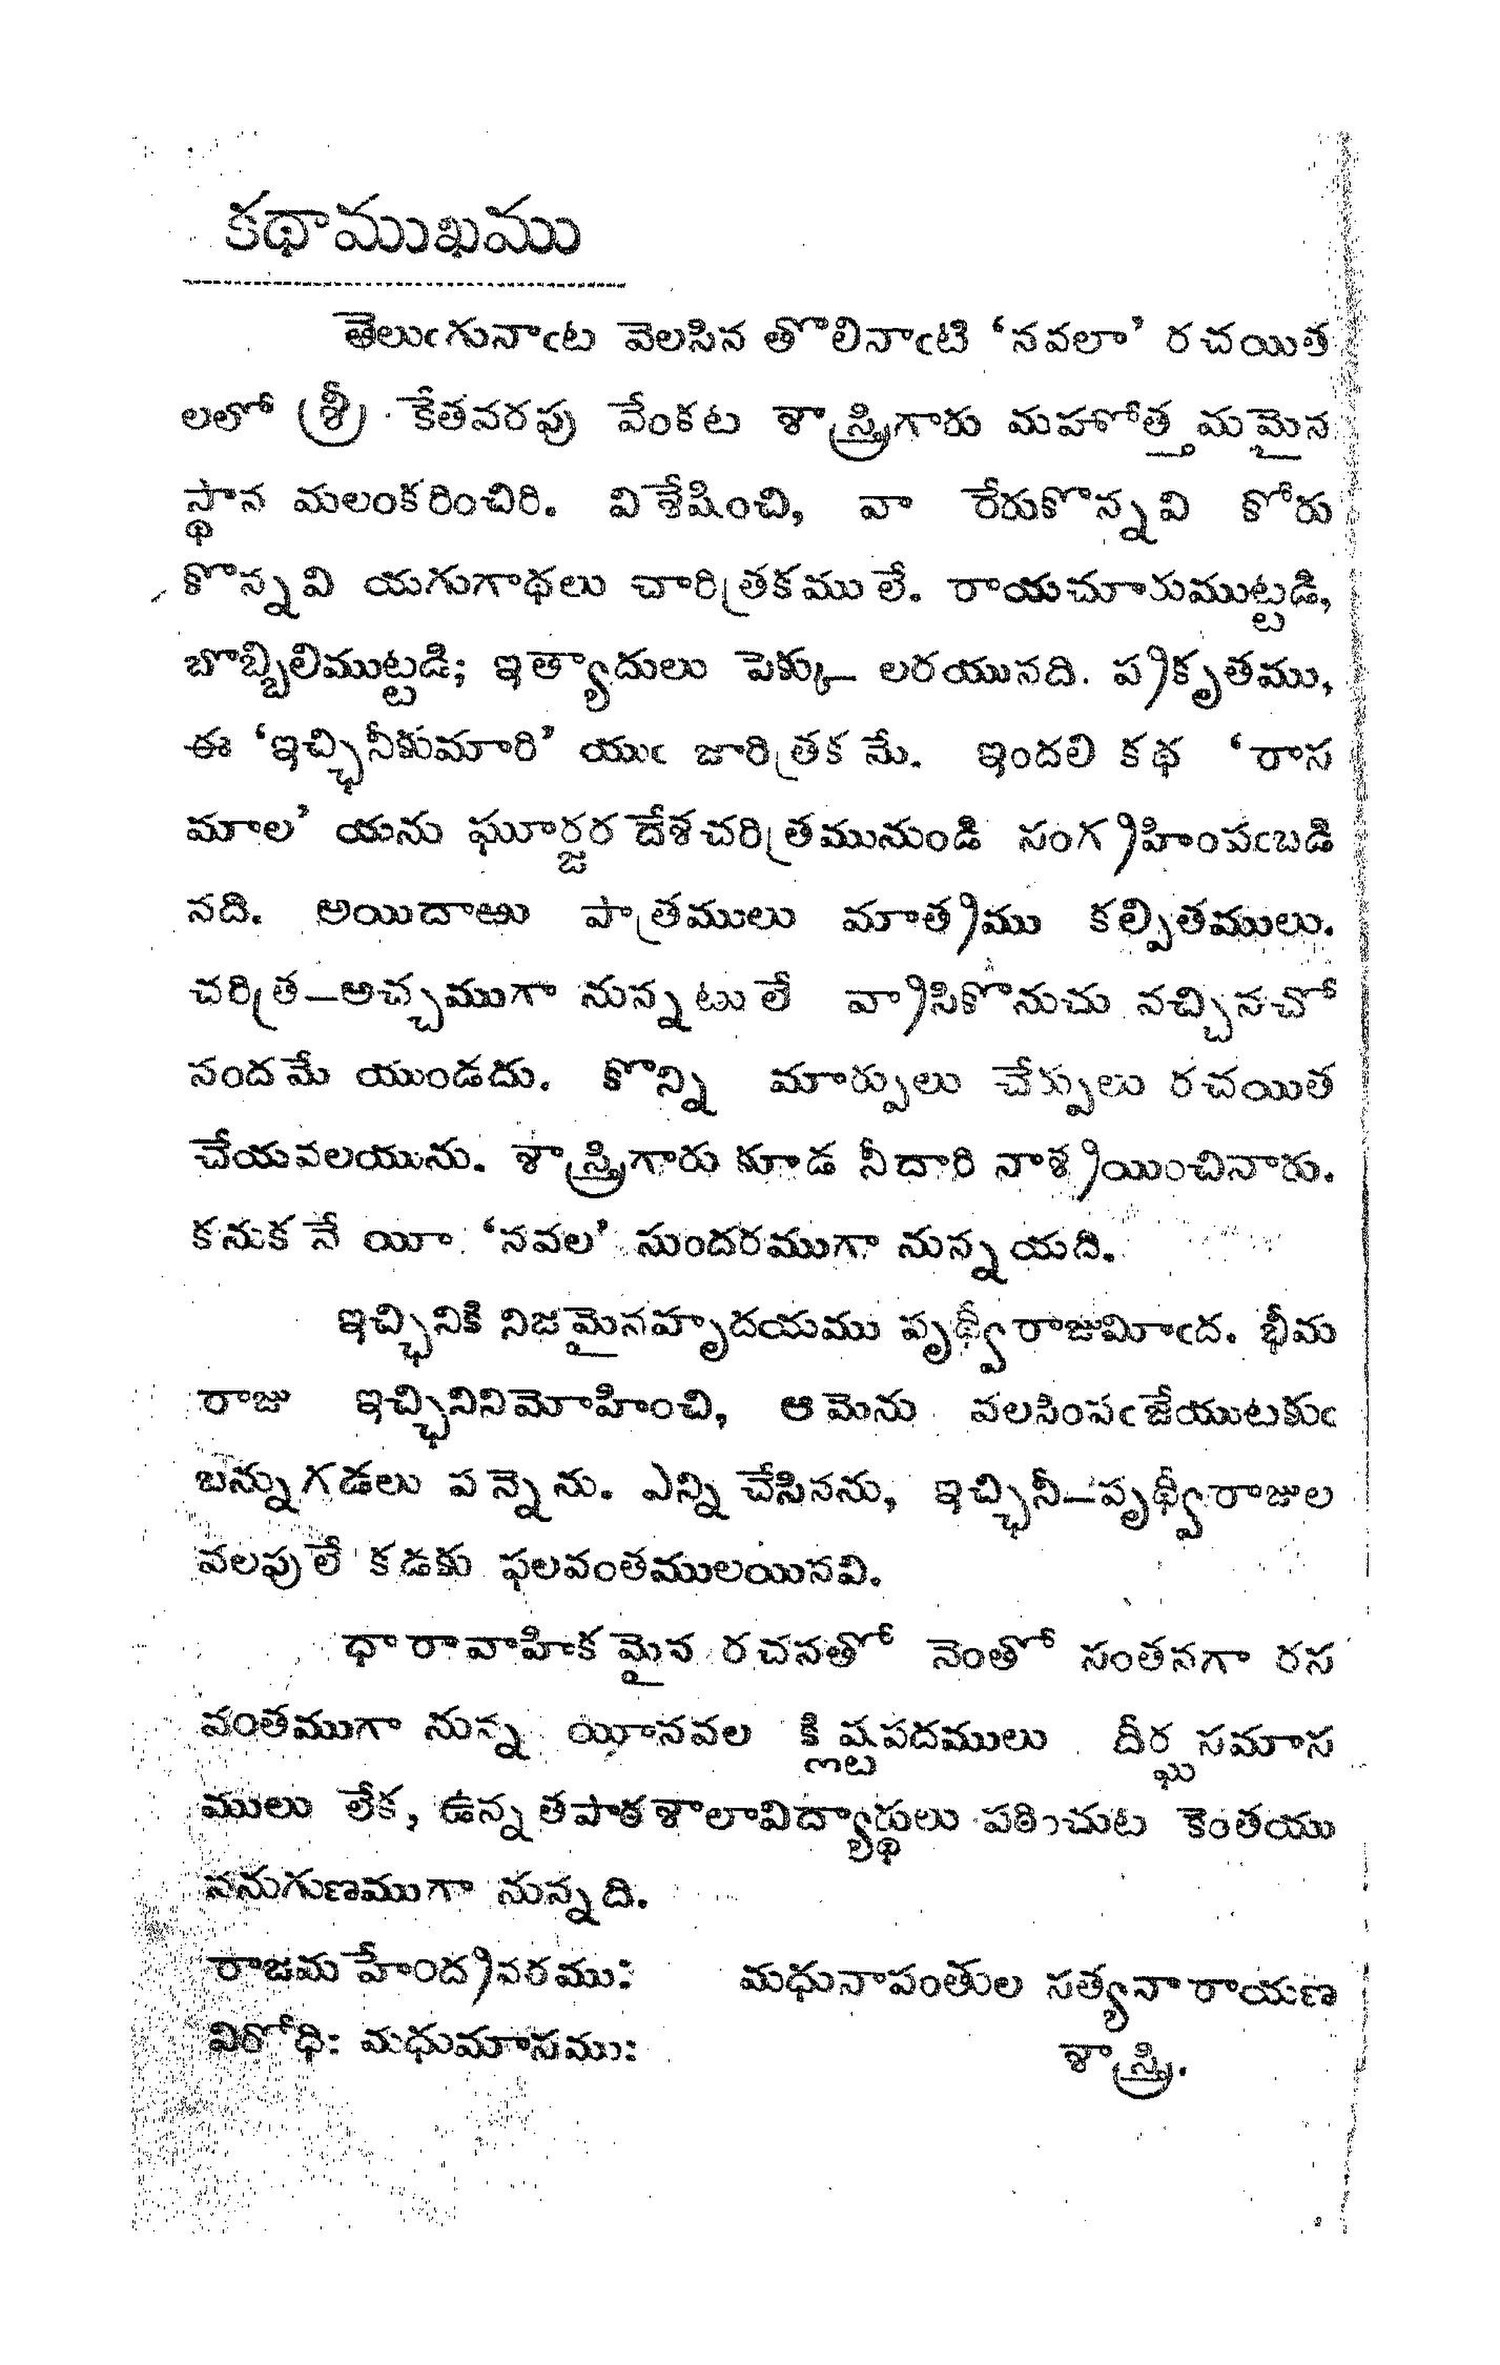కథా ముఖము 
తెలుఁగునాఁట వెలసిన తొలినాఁటి 'నవలా' రచయితలలో శ్రీ . కేతవరపు వేంకట శాస్త్రిగారు మహోత్తమమైన స్థాన మలంకరించిరి. విశ్లేషించి, వా రేరుకొన్నవి కోరుకొన్నవి యగుగాథలు చారిత్రకములే. రాయచూరుముట్టడి, బొబ్బిలిముట్టడి; ఇత్యాదులు పెక్కు లరయునది. ప్రకృతము, ఈ 'ఇచ్చినీకుమారి' యుఁ జారిత్రకమే. ఇందలి కథ ' రాసమాల' యను ఘూర్జరదేశచరిత్రమునుండి సంగ్రహింపఁబడినది. అయిదాఱు పాత్రములు మాత్రము కల్పితములు. చరిత్ర-అచ్చముగా నున్నటులే వ్రాసికొనుచు వచ్చినచో నందమే యుండదు. కొన్ని మార్పులు చేర్పులు రచయిత చేయవలయును. శాస్త్రిగారు కూడ నీదారి నాశ్రయించినారు. కనుక నే యీ 'నవల' సుందరముగా నున్నయది.

ఇచ్ఛినికి నిజమైనహృదయము పృథ్వీరాజుమీఁద. భీమరాజు ఇచ్ఛినిని మోహించి, ఆమెను వలపింపఁజేయుటకుఁ బన్నుగడలు పన్నెను. ఎన్ని చేసినను, ఇచ్చినీ-పృథ్వీరాజుల వలపులే కడకు ఫలవంతములయినవి.

ధారావాహికమైన రచనతో నెంతో సంతనగా రసవంతముగా నున్న యీనవల క్లిష్టపదములు దీర్ఘసమాసములు లేక, ఉన్నతపాఠశాలావిద్యార్థులు పఠించుట కెంతయు ననుగుణముగా నున్నది.